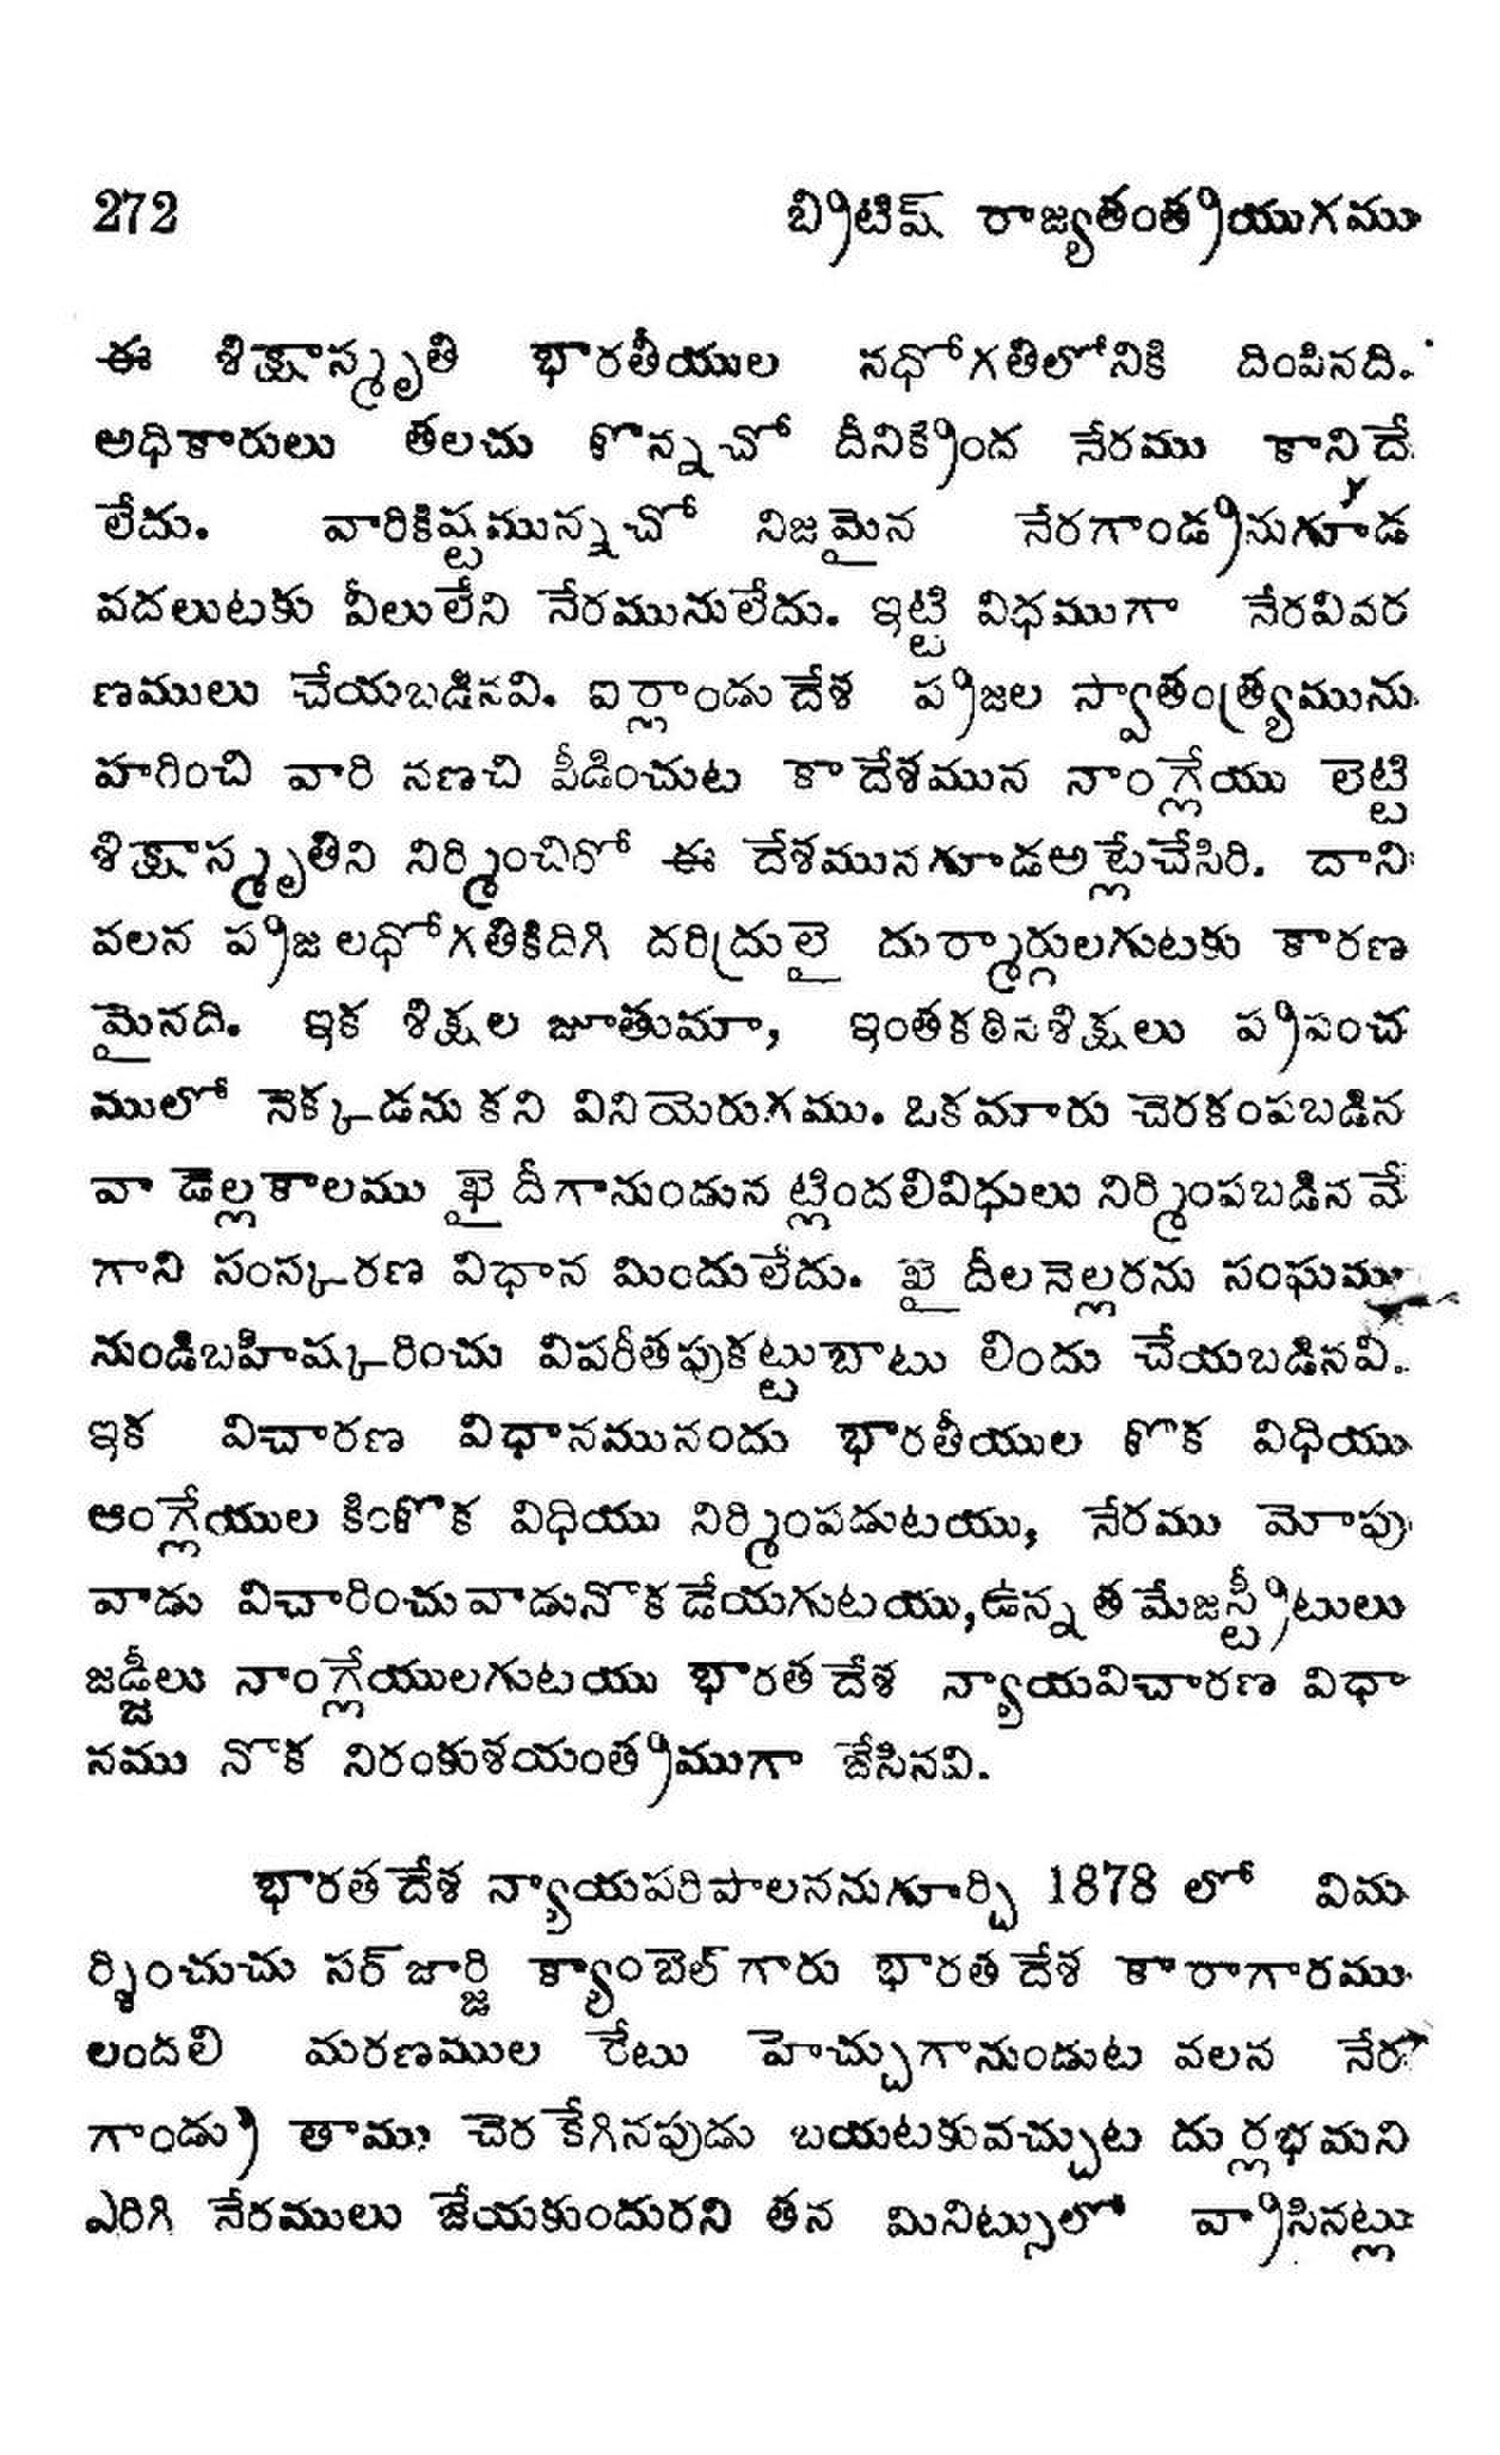ఈ శిక్షాస్మృతి భారతీయుల నధోగతిలోనికి దింపినది. అధికారులు తలచు కొన్నచో దీనిక్రింద నేరము కానిదే లేదు. వారికిష్టమున్నచో నిజమైన నేరగాండ్రనుగూడ వదలుటకు వీలులేని నేరమునులేదు. ఇట్టి విధముగా నేరవివరణములు చేయబడినవి. ఐర్లాండుదేశ ప్రజల స్వాతంత్ర్యమును. హరించి వారి నణచి పీడించుట కా దేశమున నాంగ్లేయు లెట్టి శిక్షాస్మృతిని నిర్మించిరో ఈ దేశమునగూడఅట్లేచేసిరి. దానివలన ప్రజలధోగతికిదిగి దరిద్రులై దుర్మార్గులగుటకు కారణమైనది. ఇక శిక్షల జూతుమా, ఇంతకఠినశిక్షలు ప్రపంచములో నెక్కడను కని విని యెరుగము. ఒకమారు చెరకంపబడిన వా డెల్లకాలము ఖైదీగా నుండునట్లిందలివిధులు నిర్మింపబడినవే గాని సంస్కరణ విధాన మిందులేదు. ఖైదీలనెల్లరను సంఘమునుండిబహిష్కరించు విపరీతపుకట్టుబాటు లిందు చేయబడినవి. ఇక విచారణ విధానమునందు భారతీయుల కొక విధియు ఆంగ్లేయుల కింకొక విధియు నిర్మింపడుటయు, నేరము మోపువాడు విచారించువాడునొకడే యగుటయు, ఉన్నత మేజస్ట్రీటులు జడ్జీలు నాంగ్లేయులగుటయు భారతదేశ న్యాయవిచారణ విధానము నొక నిరంకుశయంత్రముగా జేసినవి.

భారతదేశ న్యాయపరిపాలననుగూర్చి 1878 లో విమర్శించుచు సర్ జార్జి క్యాంబెల్ గారు భారతదేశ కారాగారము లందలి మరణముల రేటు హెచ్చుగానుండుట వలన నేరగాండ్రు , తాము చెరకేగినపుడు బయటకువచ్చుట దుర్లభమని ఎరిగి నేరములు జేయకుందురని తన మినిట్సులో వ్రాసినట్లు